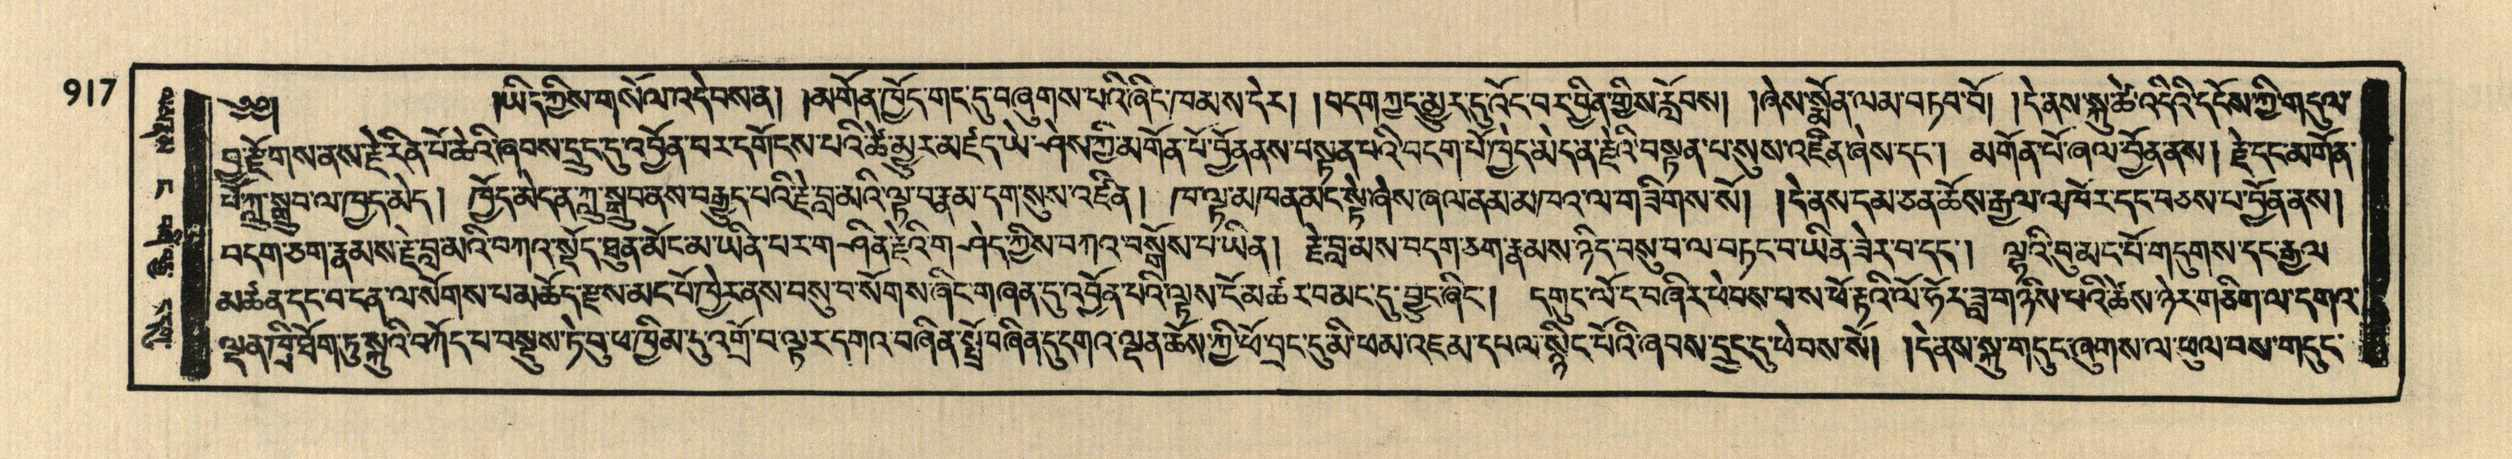༄༅། །ཡིད་ཀྱིས་གསོལ་འདེབས་ན། །མགོན་ཁྱོད་གང་དུ་བཞུགས་པའི་ཞིང་ཁམས་དེར། །བདག་ཀྱང་མྱུར་དུ་འོང་བར་བྱིན་གྱིས་རློབས། །ཞེས་སྨོན་ལམ་བཏབ་བོ། །དེ་ནས་སྐུ་ཚེ་འདིའི་དངོས་ཀྱི་གདུལ་
བྱ་རྫོགས་ནས་རྗེ་རིན་པོ་ཆེའི་ཞབས་དྲུང་དུ་འབྱོན་པར་དགོངས་པའི་ཚེ་མྱུར་མཛད་ཡེ་ཤེས་ཀྱི་མགོན་པོ་བྱོན་ནས་བསྟན་པའི་བདག་པོ་ཁྱེད་མེད་ན་རྗེའི་བསྟན་པ་སུས་འཛིན་ཞེས་དང་། མགོན་པོ་ཞལ་བྱོན་ནས། རྗེ་དང་མགོན་
པོ་ཀླུ་སྒྲུབ་ལ་ཁྱད་མེད། ཁྱོད་མེད་ན་ཀླུ་སྒྲུབ་ནས་བརྒྱུད་པའི་རྗེ་བླ་མའི་ལྟ་བ་རྣམ་དག་སུས་འཛིན། ཁ་ལྟ་མཁན་མང་སྟེ་ཞེས་ཞལ་ནམ་མཁའ་ལ་གཟིགས་སོ། །དེ་ནས་དམ་ཅན་ཆོས་རྒྱལ་འཁོར་དང་བཅས་པ་བྱོན་ནས།
བདག་ཅག་རྣམས་རྗེ་བླ་མའི་བཀའ་སྡོད་ཐུན་མོང་མ་ཡིན་པར་གཤིན་རྗེའི་གཤེད་ཀྱིས་བཀའ་བསྒོས་པ་ཡིན། རྗེ་བླ་མས་བདག་ཅག་རྣམས་ཉིད་བསུ་བ་ལ་བཏང་བ་ཡིན་ཟེར་བ་དང་། ལྷའི་བུ་མང་པོ་གདུགས་དང་རྒྱལ་
མཚན་དང་བ་ངན་ལ་སོགས་པ་མཆོད་རྫས་མང་པོ་ཁྱེར་ནས་བསུ་བ་སོགས་ཞིང་གཞན་དུ་འབྱོན་པའི་ལྟས་ངོ་མཚར་བ་མང་དུ་བྱུང་ཞིང་། དགུང་ལོ་ང་བཞིར་ཕེབས་པས་ཕོ་རྟའི་ལོ་ཧོར་ཟླ་གཉིས་པའི་ཚེས་ཉེར་གཅིག་ལ་དགའ་
ལྡན་ཁྲི་ཐོག་ཏུ་སྐུའི་བཀོད་པ་བསྡུས་ཏེ་བུ་ཕ་ཁྱིམ་དུ་འགྲོ་བ་ལྟར་དགའ་བཞིན་སྤྲོ་བཞིན་དུ་དགའ་ལྡན་ཆོས་ཀྱི་ཕོ་བྲང་དུ་མི་ཕམ་འཇམ་དཔལ་སྙིང་པོའི་ཞབས་དྲུང་དུ་ཕེབས་སོ། །དེ་ནས་སྐུ་གདུང་ཞུགས་ལ་ཕུལ་བས་གདུང་